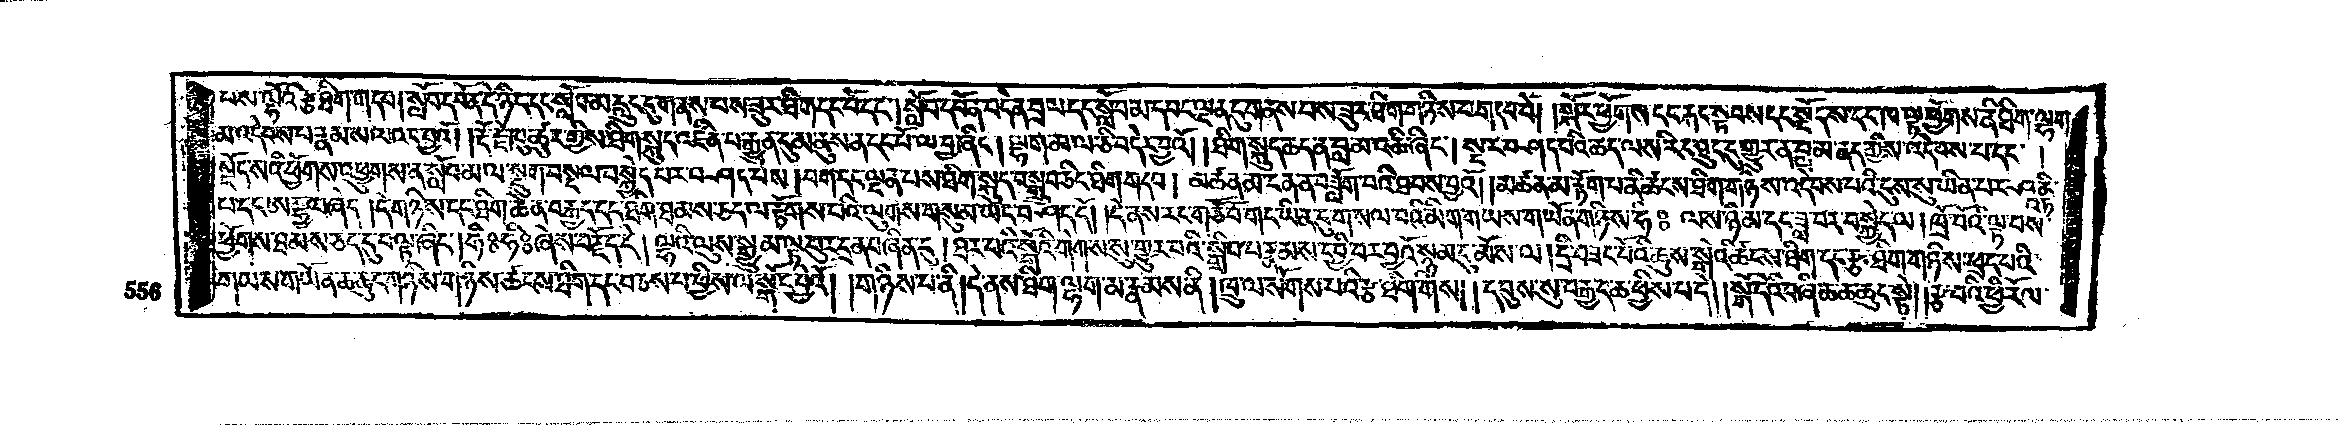པས་?་ལྷོའི་རྩ་ཐིག་གདབ། སློབ་དཔོན་དེ་ཉིད་དང་སློབ་མ་རླུང་དུ་གནས་པས་ཟུར་ཐིག་དང་པོ་དང་། སློབ་དཔོན་བདེན་བྲལ་དང་སློབ་མ་དབང་ལྡན་དུ་གནས་པས་ཟུར་ཐིག་གཉིས་པ་གདབ་བོ། །སྐོར་ཕྱོགས་དང་རྐང་སྟབས་དང་སྡོད་ས་དང་ཁ་ལྟ་ཕྱོགས་ནི་ཐིག་ལྷག་
མ་འདེབས་པ་རྣམས་ལའང་བྱའོ། །རྡོ་རྗེ་ཁུ་ཚུར་གྱིས་ཐིག་སྐུད་འཛིན་པ་རྒྱུན་དུ་མ་ནུས་ན་དང་པོ་ལ་བྱ་ཞིང་། ལྷག་མ་ལ་ཅི་བདེར་བྱའོ། །ཐིག་སྐུད་ཚད་ན་བླ་མ་འཆི་ཞིང་། སྔར་བཤད་པའི་ཚད་ལས་རིང་ཐུང་དུ་གྱུར་ན་བླ་མ་ནད་ཀྱིས་འདེབས་པ་དང་།
སྡོད་སའི་ཕྱོགས་འཕྱུགས་ན་སློབ་མ་ལ་སྡུག་བསྔལ་བསྐྱེད་པར་བཤད་པས། བག་དང་ལྡན་པས་ཐིག་སྐུད་བསྒྲུབ་ཅིང་ཐིག་གདབ། མཚན་མ་ངན་ན་བཟློག་པའི་ཐབས་བྱའོ། །མཚན་མ་རྟོག་པ་ནི་ཚངས་ཐིག་གཉིས་འདེབས་པའི་དུས་སུ་ཡིན་པར་ཤཱནྟི་
པ་དང་ཨ་བྷྱ་བཞེད་།དེ་གཉིས་དང་ཐིག་ཆེན་བརྒྱད་དང་ཐིག་ཐམས་ཅད་ལ་རྟོགས་པའི་ལུགས་གསུམ་ཡང་བཤད་དོ། །དེ་ནས་རང་གཙོ་བོ་གང་ཡིན་དུ་གསལ་བའི་མིག་གཡས་གཡོན་གཉིས་ཧཾཿ ལས་ཉི་མ་དང་ཟླ་བར་བསྐྱེད་ལ། ཁྲོ་བོའི་ལྟ་བས་
ཕྱོགས་ཐམས་ཅད་དུ་བལྟ་ཞིང་། ཧིཿ ཧིཿ ཞེས་བརྗོད་དེ། ལྷའི་ལུས་སྒྱུ་མ་ལྟ་བུར་དྲན་བཞིན་དུ། ཐར་པའི་སྒོའི་གེགས་སུ་གྱུར་པའི་སྒྲིབ་པ་རྣམས་དབྱི་བར་བྱའོ་སྙམ་དུ་མོས་ལ། དྲི་བཟང་པོའི་ཆུས་སྒོའི་ཚངས་ཐིག་དང་རྩ་ཐིག་གཉིས་ཕྲད་པའི་
གཡས་གཡོན་ཆ་ཆུང་གཉིས་གཉིས་ཚངས་ཐིག་དང་བཅས་པ་ཕྱིས་ལ་སྒོ་དབྱིའོ། །གཉིས་པ་ནི། དེ་ནས་ཐིག་ལྷག་མ་རྣམས་ནི། ཁྲུ་ལ་སོགས་པའི་རྩ་ཐིག་གིས། །དབུས་སུ་བརྒྱད་ཆ་ཕྱིས་པ་དེ། །སྒོ་དེའི་བཞི་ཆ་ཆ་ཆུང་སྟེ། །རྩ་བའི་ཕྱི་རོལ་